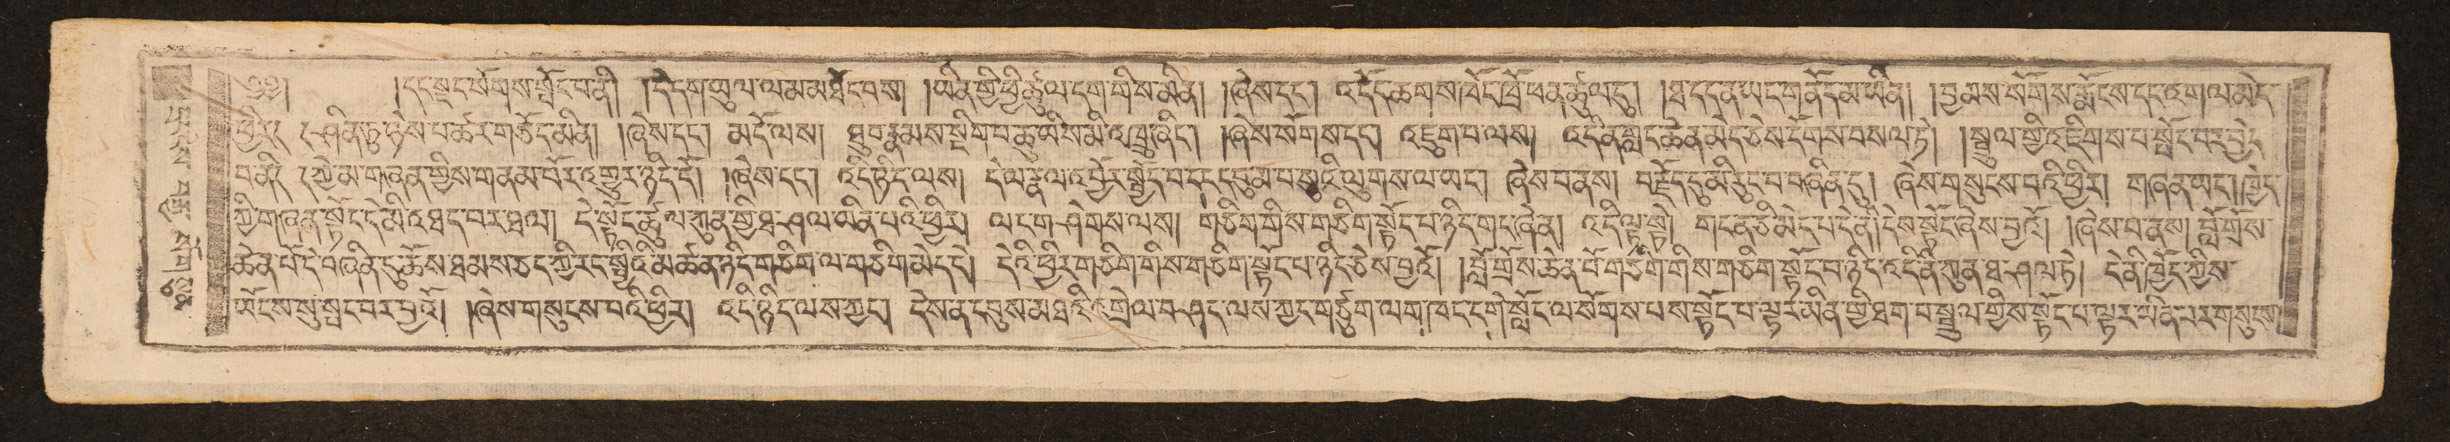༄༅། །དང་སྡང་སོགས་སྤོང་པ་ནི། །དེ་དག་ཡུལ་ལ་མ་མཐོང་བས། །ཡིན་གྱི་ཕྱི་ཚུལ་དག་གིས་མིན། །ཞེས་དང་། འདོད་ཆགས་ཁོང་ཁྲོ་ཕན་ཚུལ་དུ། །ཐ་དད་ན་ཡང་གནོད་མ་ཡིན། །བྱམས་སོགས་རྨོངས་དང་འགལ་མེད་
ཕྱིར༑ ༑ཤིན་ཏུ་ཉེས་པ་ཚར་གཅོད་མིན། །ཞེས་དང་། མདོ་ལས། ཐུབ་རྣམས་སྡིག་པ་ཆུ་ཡིས་མི་འཁྲུ་ཞིང་། །ཞེས་སོགས་དང་། འཇུག་པ་ལས། འདི་ན་གླང་ཆེན་མེད་ཅེས་དོགས་བསལ་ཏེ། །སྤྲུལ་གྱི་འཇིགས་པ་སྤོང་བར་བྱེད་
པ་ནི༑ ༑ཀྱེ་མ་གཞན་གྱིས་གནམ་བོར་འགྱུར་ཉིད་དོ། །ཞེས་དང་། འདི་ཉིད་ལས། དེ་ལ་རྣལ་འབྱོར་སྤྱོད་པ་དང་དབུ་མ་བ་སུའི་ལུགས་ལ་ཡང་། ཞེས་པ་ནས། བརྗོད་དུ་མི་རུང་བ་བཞིན་དུ། ཞེས་གསུངས་པའི་ཕྱིར། གཞན་ཡང་། ཁྱད་
ཀྱི་གཞན་སྟོང་དེ་མི་འཐད་པར་ཐལ། དེ་སྟོང་ཚུལ་ཀུན་གྱི་ཐ་ཤལ་ཡིན་པའི་ཕྱིར། ལང་གཤེགས་ལས། གཅིག་གིས་གཅིག་སྟོང་པ་ཉིད་གང་ཞེ་ན། འདི་ལྟ་སྟེ། གང་ན་ཅི་མེད་པ་དེ་ནི། དེས་སྟོང་ཞེས་བྱའོ། །ཞེས་པ་ནས། བློ་གྲོས་
ཆེན་པོ་དེ་བཞིན་དུ་ཆོས་ཐམས་ཅད་ཀྱི་རང་སྤྱིའི་མཚན་ཉིད་གཅིག་ལ་གཅིག་མེད་དེ། དེའི་ཕྱིར་གཅིག་གིས་གཅིག་སྟོང་པ་ཉིད་ཅེས་བྱའོ། །བློ་གྲོས་ཆེན་པོ་གཅིག་གིས་གཅིག་སྟོང་པ་ཉིད་འདི་ནི་ཀུན་ཐ་ཤལ་ཏེ། དེ་ནི་ཁྱོད་ཀྱིས་
ཡོངས་སུ་སྤང་བར་བྱའོ། །ཞེས་གསུངས་པའི་ཕྱིར། འདི་ཉིད་ལས་ཀྱང་། དེས་ན་དབུས་མཐའི་འགྲེལ་བཤད་ལས་ཀྱང་གཙུག་ལག་ཁང་དགེ་སློང་ལ་སོགས་པས་སྟོང་པ་ལྟར་མིན་གྱི་ཐག་པ་སྤྲུལ་གྱིས་སྟོང་པ་ལྟར་ཡིན་པར་གསུངས་